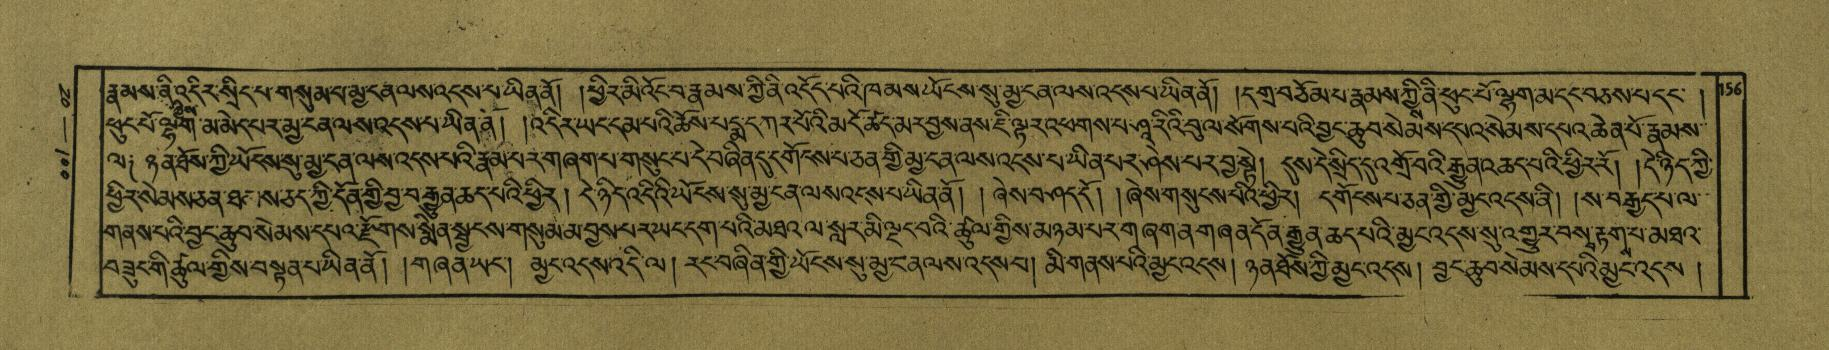རྣམས་ཀྱིས་ནི་འདིར་སྲིད་པ་གསུམ་པ་མྱ་ངན་ལས་འདས་པ་ཡིན་ནོ། །ཕྱིར་མི་འོང་བ་རྣམས་ཀྱི་ནི་འདོད་པའི་ཁམས་ཡོངས་སུ་མྱ་ངན་ལས་འདས་པ་ཡིན་ནོ། །དགྲ་བཅོམ་པ་རྣམས་ཀྱིས་ནི་ཕུང་པོ་ལྷག་མ་དང་བཅས་པ་དང་།
ཕུང་པོ་ལྷག་མ་མེད་པར་མྱ་ངན་ལས་འདས་པ་ཡིན་ནོ། །འདིར་ཡང་དམ་པའི་ཆོས་པདམ་དཀར་པོའི་མདོ་ཚད་མར་བྱས་ནས་ཇི་ལྟར་འཕགས་པ་ཤཱ་རིའི་བུ་ལ་སོགས་པའི་བྱང་ཆུབ་སེམས་དཔའ་སེམས་དཔའ་ཆེན་པོ་རྣམས་
ལ༑ ཉན་ཐོས་ཀྱི་ཡོངས་སུ་མྱ་ངན་ལས་འདས་པའི་རྣམ་པར་གཞག་པ་གསུང་པ་དེ་བཞིན་དུ་དགོངས་པ་ཅན་གྱི་མྱ་ངན་ལས་འདས་པ་ཡིན་པར་ཤེས་པར་བྱ་སྟེ། དུས་དེ་སྲིད་དུ་འགྲོ་བའི་རྒྱུན་འཆད་པའི་ཕྱིར་རོ། །དེ་ཉིད་ཀྱི་
ཕྱིར་སེམས་ཅན་ཐམས་ཅད་ཀྱི་དོན་གྱི་བྱ་བ་རྒྱུན་ཆད་པའི་ཕྱིར། དེ་ཉིད་འདིའི་ཡོངས་སུ་མྱ་ངན་ལས་འདས་པ་ཡིན་ནོ། །ཞེས་བཤད་དོ། །ཞེས་གསུངས་པའི་ཕྱིར། དགོངས་པ་ཅན་གྱི་མྱང་འདས་ནི། །ས་བརྒྱད་པ་ལ་
གནས་པའི་བྱང་ཆུབ་སེམས་དཔའ་རྫོགས་སྨིན་སྦྱངས་གསུམ་མ་བྱས་པར་ཡང་དག་པའི་མཐའ་ལ་སླར་མི་ལྡང་བའི་ཚུལ་གྱིས་མཉམ་པར་གཞག་ན་གཞན་དོན་རྒྱུན་ཆད་པའི་མྱང་འདས་སུ་འགྱུར་བས་བརྟགས་པ་མཐའ་
བཟུང་གི་ཚུལ་གྱིས་བསྟན་པ་ཡིན་ནོ། །གཞན་ཡང་། མྱང་འདས་འདི་ལ། རང་བཞིན་གྱི་ཡོངས་སུ་མྱ་ངན་ལས་འདས་པ། མི་གནས་པའི་མྱང་འདས། ཉན་ཐོས་ཀྱི་མྱང་འདས། བྱང་ཆུབ་སེམས་དཔའི་མྱང་འདས།